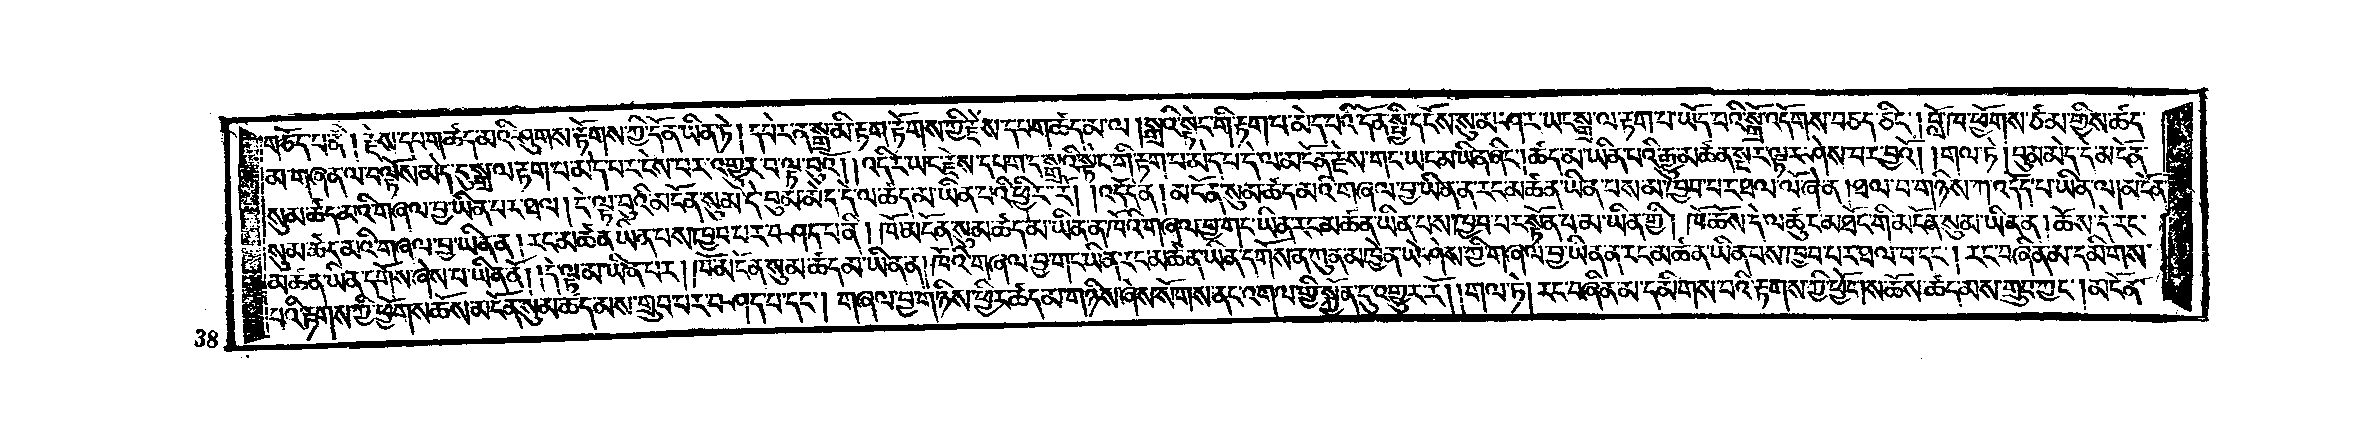གཅོད་པ་ནི། རྗེས་དཔག་ཚད་མའི་ཤུགས་རྟོགས་ཀྱི་དོན་ཡིན་ཏེ། དཔེར་ན་སྒྲ་མི་རྟག་རྟོགས་ཀྱི་རྗེས་དཔག་ཚད་མ་ལ། སྒྲའི་སྟེང་གི་རྟག་པ་མེད་པའི་དོན་སྤྱི་དངོས་སུ་མ་ཤར་ཡང་སྒྲ་ལ་རྟག་པ་ཡོད་པའི་སྒྲོ་འདོགས་བཅད་ཅིང་། བློ་ཁ་ཕྱོགས་ཙམ་གྱིས་ཚད་
མ་གཞན་ལ་བལྟོས་མེད་དུ་སྒྲ་ལ་རྟག་པ་མེད་པར་ངེས་པར་འགྱུར་བ་ལྟ་བུའོ། །འདིར་ཡང་རྗེས་དཔག་དེ་སྒྲའི་སྟེང་གི་རྟག་པ་མེད་པ་དེ་ལ་མངོན་རྗེས་གང་ཡང་མ་ཡིན་ཞིང་། ཚད་མ་ཡིན་པའི་རྒྱུ་མཚན་སྔར་ལྟར་ཤེས་པར་བྱའོ། །གལ་ཏེ་བུམ་མེད་དེ་མངོན་
སུམ་ཚད་མའི་གཞལ་བྱ་ཡིན་པར་ཐལ། དེ་ལྟ་བུའི་མངོན་སུམ་དེ་བུམ་མེད་དེ་ལ་ཚད་མ་ཡིན་པའི་ཕྱིར་རོ། །འདོད་ན། མངོན་སུམ་ཚད་མའི་གཞལ་བྱ་ཡིན་ན་རང་མཚན་ཡིན་པས་མ་ཁྱབ་པར་ཐལ་ལོ་ཞེ་ན། ཐལ་བ་གཉིས་ཀ་འདོད་པ་ཡིན་ལ། མངོན་
སུམ་ཚད་མའི་གཞལ་བྱ་ཡིན་ན། རང་མཚན་ཡིན་པས་ཁྱབ་པར་བཤད་པ་ནི། ཁོ་མངོན་སུམ་ཚད་མ་ཡིན་ན་ཁོའི་གཞལ་བྱ་གང་ཡིན་རང་མཚན་ཡིན་པས་ཁྱབ་པར་སྟོན་པ་མ་ཡིན་གྱི། ཁོ་ཆོས་དེ་ལ་ཚུར་མཐོང་གི་མངོན་སུམ་ཡི་ན། ཆོས་དེ་རང་
མཚན་ཡིན་དགོས་ཞེས་པ་ཡིན་ནོ། །དེ་ལྟ་མ་ཡིན་པར། ཁོ་མངོན་སུམ་ཚད་མ་ཡིན་ན། ཁོའི་གཞལ་བྱ་གང་ཡིན་རང་མཚན་ཡིན་དགོས་ན་ཀུན་མཁྱེན་ཡེ་ཤེས་ཀྱི་གཞལ་བྱ་ཡིན་ན་རང་མཚན་ཡིན་པས་ཁྱབ་པར་ཐལ་བ་དང་། རང་བཞིན་མ་དམིགས་
པའི་རྟགས་ཀྱི་ཕྱོགས་ཆོས་མངོན་སུམ་ཚད་མས་གྲུབ་པར་བཤད་པ་དང་། གཞལ་བྱ་གཉིས་ཕྱིར་ཚད་མ་གཉིས་ཞེས་སོགས་ནང་འགལ་གྱི་སྐྱོན་དུ་འགྱུར་རོ། །གལ་ཏེ། རང་བཞིན་མ་དམིགས་པའི་རྟགས་ཀྱི་ཕྱོགས་ཆོས་ཚད་མས་གྲུབ་ཀྱང་། མངོན་